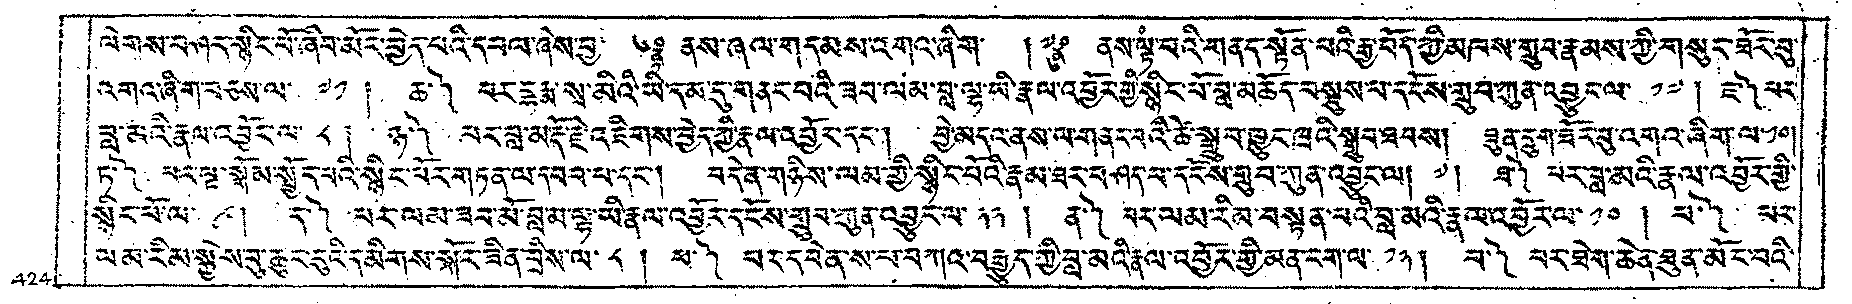ལེགས་བཤད་སྙིང་པོ་ཞིབ་མོར་བྱེད་པའི་དཔལ་ཞེས་བྱ ༦༠་ན ༡་ནས་ཞལ་གདམས་འགའ་ཞིག །༧༠་ན ༦་ནས་ལྟཾ་བའི་གནད་སྟོན་པའི་རྒྱ་བོད་ཀྱི་མཁས་གྲུབ་རྣམས་ཀྱི་གསུང་ཐོར་བུ་
འགའ་ཞིག་བཅས་ལ ༧༡། ཆ྄་པར་དྷརྨ་སྭ་མིའི་ཡི་དམ་དུ་གནང་བའི་ཟབ་ལམ་བླ་ལྷ་ཡི་རྣལ་འབྱོར་གྱི་སྙིང་པོ་བླ་མཆོད་བསྡུས་པ་དངོས་གྲུབ་ཀུན་འབྱུང་ལ ༡༧། ཇ྄་པར་
བླ་མའི་རྣལ་འབྱོར་ལ ༨། ཉ྄་པར་བླ་མ་རྡོ་རྗེ་འཇིགས་བྱེད་ཀྱི་རྣལ་འབྱོར་དང་། བྱེ་མདའ་ནས་ལ་གནང་བའི་ཚེ་སྒྲུབ་ཁྱུང་ཁྲའི་སྒྲུབ་ཐབས། ཐུན་དྲུག་ཐོར་བུ་འགའ་ཞིག་ལ ༡༠།
ཏ྄་པར་ལྟ་སྒོམ་སྤྱོད་པའི་སྙིང་པོར་གཏན་ལ་དབབ་པ་དང་། བདེན་གཉིས་ལམ་གྱི་སྙིང་པོའི་རྣམ་ཐར་བཤད་པ་དངོས་གྲུབ་ཀུན་འབྱུང་ལ། ༧། ཐ྄་པར་བླ་མའི་རྣལ་འབྱོར་གྱི་
སྙིང་པོ་ལ ༩། ད྄་པར་ལམ་ཟབ་མོ་བླ་མ་ལྷ་ཡི་རྣལ་འབྱོར་དངོས་གྲུབ་ཀུན་འབྱུང་ལ ༢༢། ན྄་པར་ལམ་རིམ་བསྟན་པའི་བླ་མའི་རྣལ་འབྱོར་ལ ༡༠། པ྄་པར་
ལམ་རིམ་སྐྱེས་བུ་ཆུང་ངུའི་དམིགས་སྐོར་ཟིན་བྲིས་ལ ༨། ཕ྄་པར་དབེན་ས་པ་བཀའ་བརྒྱུད་ཀྱི་བླ་མའི་རྣལ་འབྱོར་གྱི་མན་ངག་ལ ༡༢། བ྄་པར་ཐེག་ཆེན་ཐུན་མོང་བའི་